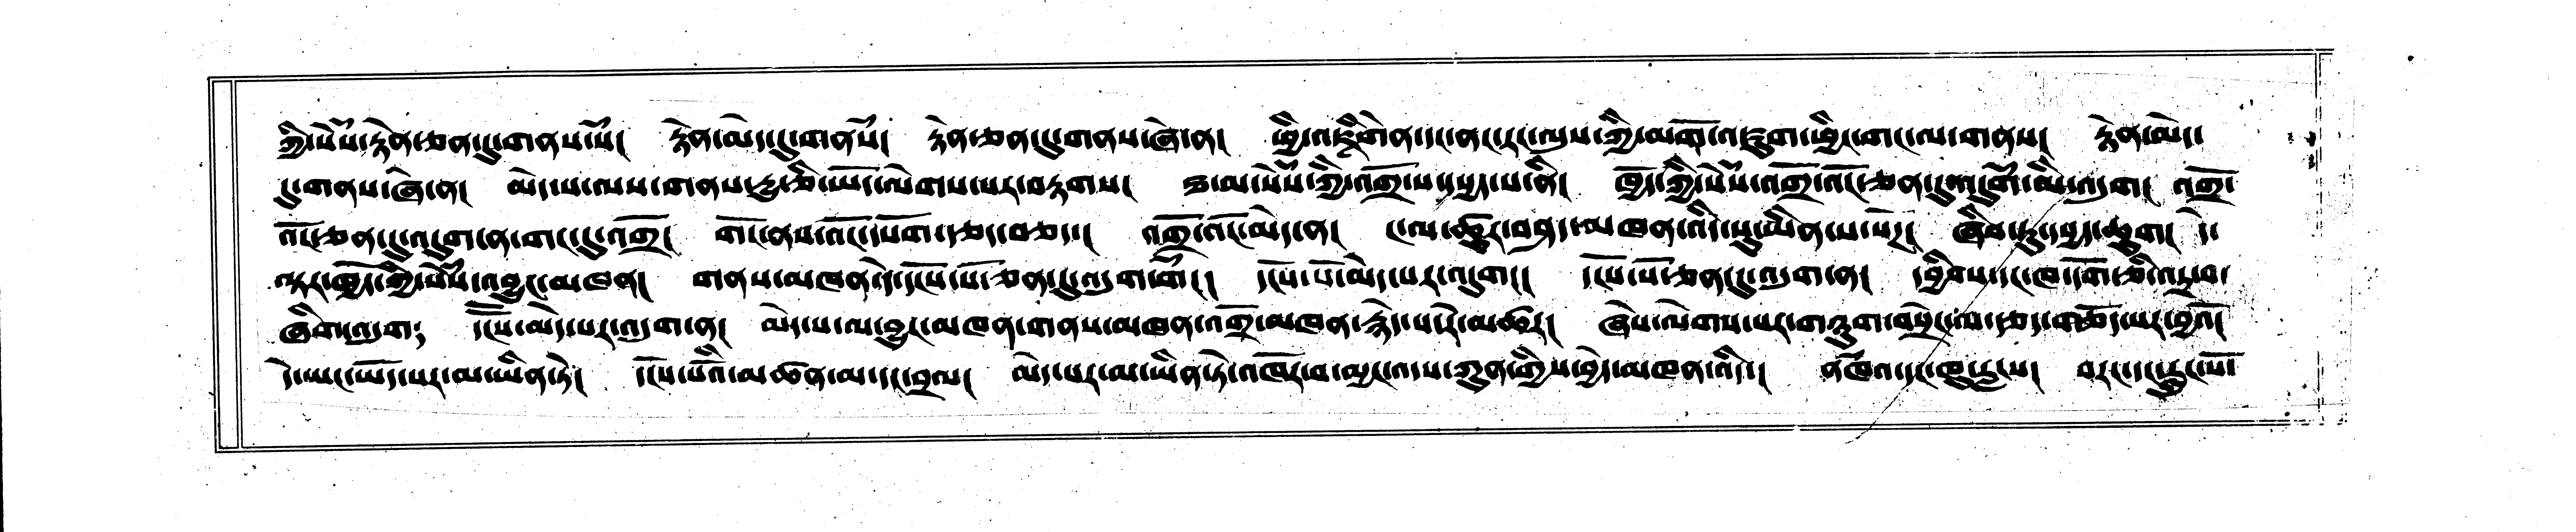ཀྱི་སེམས་རྟེན་ཅན་དུ་གནས་སམ། རྟེན་མེད་དུ་གནས། རྟེན་ཅན་དུ་གནས་ཞེ་ན། ཕྱི་འཇིག་རྟེན་དང་ནང་རང་ལུས་མགོ་མཇུག་ཕྱི་ནང་གང་ལ་གནས། རྟེན་མེད་
དུ་གནས་ཞེ་ན། མེད་པ་ལས་གནས་རྒྱུ་ཅི་ཡོད་ལེགས་པར་བརྟགས། ཐ་མ་སེམས་ཀྱི་འགྲོ་ས་དཔྱད་པ་ནི། ཁྱོད་ཀྱི་སེམས་འགྲོ་འོང་ཅན་དུ་འདུག་གམ་མི་འདུག འགྲོ་
འོང་ཅན་དུ་འདུག་ན་གང་དུ་འགྲོ། གང་ནས་འོང་དཔོག་རྩད་བཅད། འགྲོ་འོང་མེད་ན། ང་ལ་ཚུར་བཤད་མཁན་འདི་སུ་མིན་པ་སོགས་ཞིབ་ཏུ་དཔྱད་བཅུག དེ་
ལྟར་ཁྱོད་ཀྱི་སེམས་འབྱུང་མཁན། གནས་མཁན་དེ་དངོས་པོ་ཅན་དུ་འདུག་གམ། དངོས་པོ་མེད་པར་འདུག དངོས་པོ་ཅན་དུ་འདུག་ན། དབྱིབས་དང་ཁ་དོག་ཅི་འདྲ་བ་
ཞིག་འདུག དངོས་པོ་མེད་པར་འདུག་ན། མེད་པ་ལ་བྱུང་མཁན་གནས་མཁན་འགྲོ་མཁན་རྙེད་པ་རེ་མཚར། ཞེས་ལེགས་པར་གཉུག་བསྲིངས་ལ་རྩད་གཅོད་པར་བྱའོ། །
དེ་ཡང་ཡོད་པར་མ་ཡིན་ཏེ། དངོས་པོའི་མཚན་མ་དང་བྲལ། མེད་པ་མ་ཡིན་ཏེ་འཁོར་བ་དང་མྱང་འདས་ཀུན་གྱི་བྱེད་མཁན་འདི། ནམ་མཁའ་དང་ཁུ་རླངས། བར་སྣང་དང་རླུང་པོ་